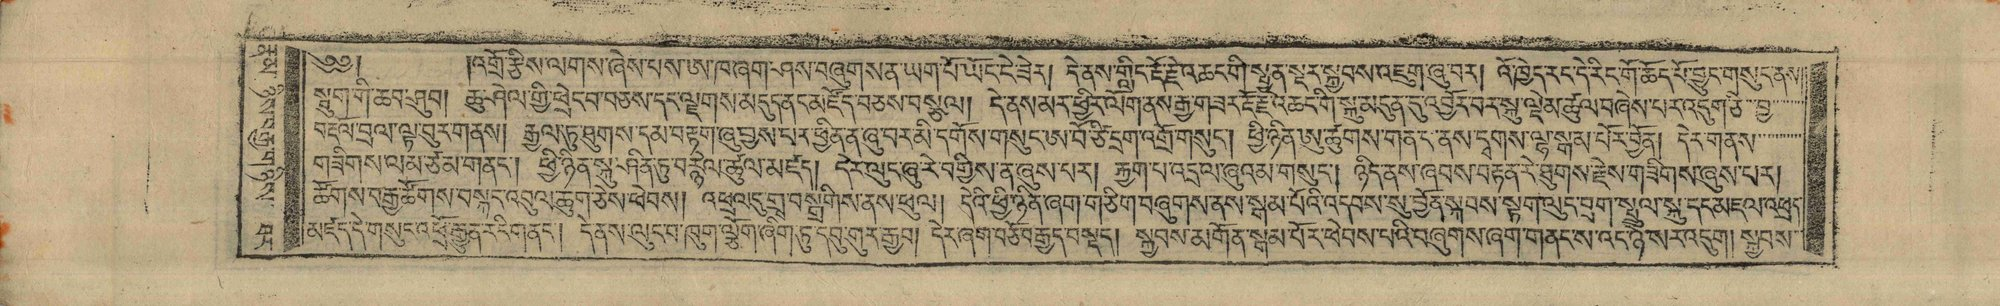༄༅། །འགྲོ་རྩིས་ལགས་ཞེས་པས་ཨ་ཁ་ཞག་ཤས་བཞུགས་ན་ཡག་པོ་ཡོང་ངེ་ཟེར། དེ་ནས་གླིང་རྡོ་རྗེ་འཆང་གི་སྤྱན་སྔར་སྐྱབས་འཇུག་ཞུ་བར། འོ་ཁྱེད་རང་དེ་རིང་གོ་ཆོད་པོ་བྱུང་གསུང་ནས།
སྦུག་གི་ཆབ་ཤུབ། ཆུ་ཤེལ་གྱི་ཕྲེང་བ་བཅས་དང་ལྗགས་མདུད་ནང་མཛོད་བཅས་བསྩལ། དེ་ནས་མར་ཕྱིར་ལོག་ནས་རྒྱ་གཟར་རྡོ་རྗེ་འཆང་གི་སྐུ་མདུན་དུ་འབྱོར་བར་སྐུ་ལྡེམ་ཚུལ་བཞེས་པར་འདུག་ཅི་བྱ་
བརྡོལ་བྲལ་ལྟ་བུར་གནས། རྒྱལ་ཏུ་ཐུགས་དམ་བརྟག་ཞུ་བྱས་པར་ཕྱིན་ན་ཞུ་བར་མི་དགོས་གསུང་ཨ་བོ་ཙི་དྲག་འགྲོ་གསུང་། ཕྱི་ཉིན་ཨུ་ཚུགས་གནང་ནས་དྭགས་ལྷ་སྒམ་པོར་བྱོན། དེར་གནས་
གཟིགས་ལམ་ཙམ་གནང་། ཕྱི་ཉིན་སྐུ་ཤིན་ཏུ་བརྙེལ་ཚུལ་མཛད། དེར་ལུང་ཞུ་རེ་བགྱིས་ན་ཞུས་པར། རྐྱག་པ་འདྲ་ལ་ཞུའམ་གསུང་། ཉིད་ནས་ཞབས་བརྟན་རེ་ཐུགས་རྗེས་གཟིགས་ཞུས་པར།
ཚོགས་བརྒྱ་ཚོགས་བསྐད་འབུལ་ཆུག་ཅེས་ཕེབས། འཕྲལ་དུ་གྲྭ་བསྒྲིགས་ནས་ཕུལ། དེའི་ཕྱི་ཉིན་ཞག་གཅིག་བཞུགས་ནས་སྒམ་པོའི་འདབས་སུ་བྱོན་སྐབས་སྟག་ལུང་བྲག་སྤྲུལ་སྐུ་དང་མཇལ་འཕྲད་
མཛད་དེ་གསུང་འཕྲོ་རྒྱུན་རིང་གནང་། དེ་ནས་ལུང་བ་ཁུག་ལྕོག་ཞིག་ཏུ་དབུ་གུར་རྒྱབ། དེར་ཞག་བཅོ་བརྒྱད་བསྡད། སྐྱབས་མགོན་སྒམ་པོར་ཕེབས་པའི་བཞུགས་ཞག་གནང་ས་འང་ཉེ་སར་འདུག །སྐྱབས་